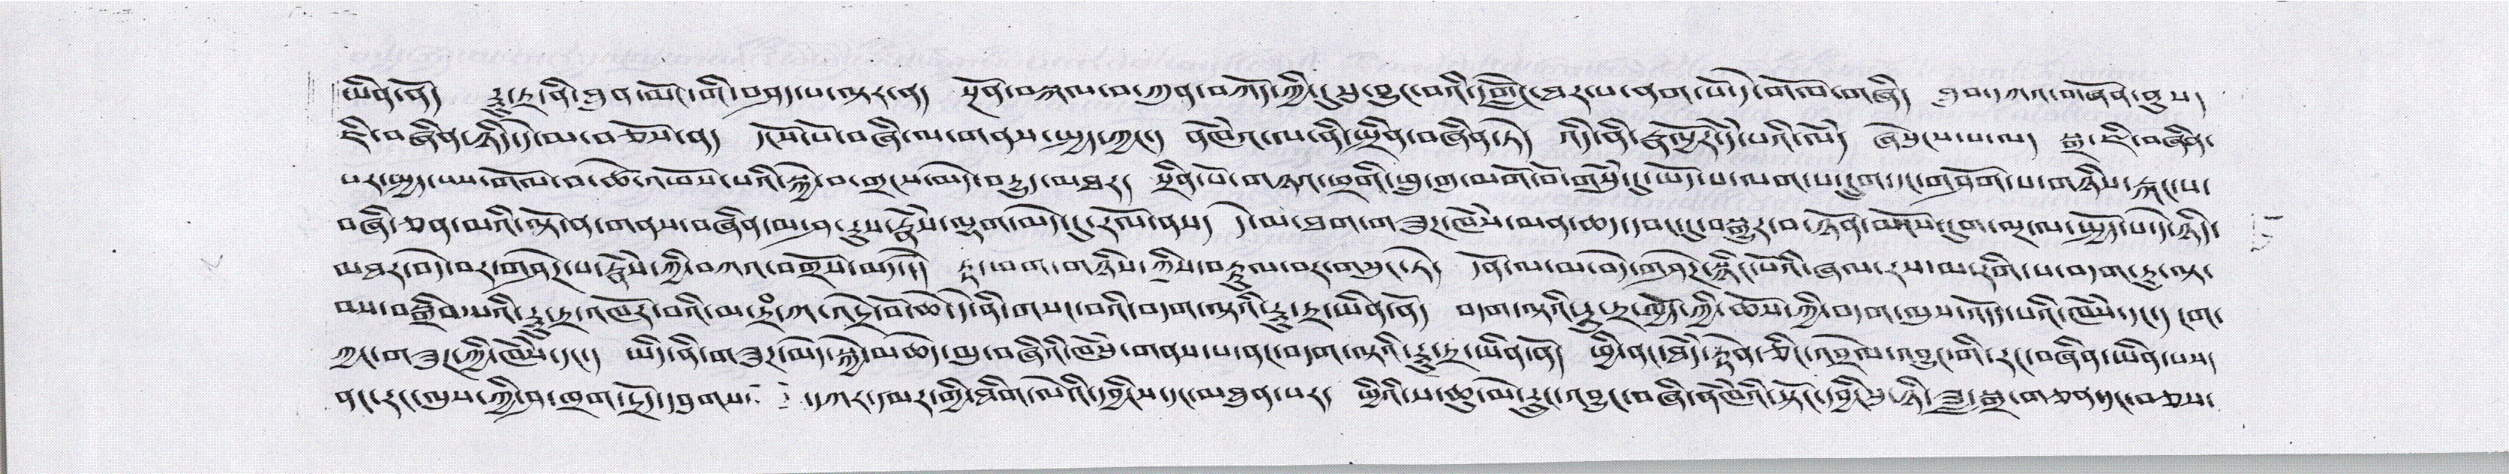ཡིན་ནོ། རུ་ཏྲ་ནི་ཐུན་མོང་གི་བཤད་པ་ལྟར་ན། སྔོན་བསྐལ་པ་ཀུན་བཀོད་ཀྱི་དུས་སུ་བྱུང་བའི་དགེ་སློང་ཐར་པ་ནག་པོ་དེ་གོལ་གཞི། ཐུབ་དཀའ་གཞོན་ནུས། 
ཇི་བཞིན་ཉིད་དེ་མ་བཅོས་ན། དངོས་པོ་བཞི་ལ་གནས་སྤྱད་ཀྱང། ནམ་མཁའ་ལ་ནི་སྤྲིན་བཞིན་ཏེ། འདི་ནི་རྣལ་འབྱོར་དམ་པའི་ལམ། ཞེས་གསུངས་པ་ལ། སྒྲ་ཇི་བཞིན་
པར་སྤྱད་པས་གོལ་བ་ཚེ་འཕོས་པའི་སྐྱེ་བ་གྲངས་མེད་བརྒྱུད་མཐར། སྲིན་པོ་གཉའ་ཕྲག་གི་ཕྲུ་གུ་མགོ་བོ་གསུམ་དུ་ཡོད་པ་ལག་པ་དྲུག་དང་གཤོག་པ་གཉིས་རྐང་པ་
བཞི་ཅན་མའི་ལྟོ་ན་གནས་བཞིན་མ་ཤ་རུས་རྣམས་ལྷག་མེད་དུ་རོལ་ནས། དེ་མ་ཐག་གཟུགས་ཁམས་མན་ཆད་དབང་དུ་བསྒྱུར་བ་ཉོན་མོངས་དུག་ལྔ་ལ་སྤྱོད་པ་དེ་ཉིད་
མཐར་བདེ་བར་གཤེགས་པ་རྣམས་ཀྱི་བཀའ་བགྲོས་མཛད་དེ། རྟ་ཕག་གཉིས་ཀྱིས་བརྟུལ་བར་གསུངས་ཏེ། དོན་ལ་མ་བདེ་གཤེགས་སྙིང་པོའི་ཞལ་རས་མ་རིག་པ་བདག་ཏུ་ལྟ་
བས་བསྒྲིབ་པའི་རུ་ཏྲ་འཁོར་བའི་མ་ཏྲཾ་ཀ་འདྲེ་བོ་ཆེ་དེ་ནི་གསང་བའི་བདག་ལྟའི་རུ་ཏྲ་ཡིན་ནོ། བདག་ལྟའི་རུ་ཏྲ་ཁྱོད་ཀྱི་ཆོས་ཀྱི་བདག་ལུས་འདོད་པའི་ཁམས་དང། ངག་
ཀྱང་གཟུགས་ཀྱི་ཁམས་དང། ཡིད་ནི་གཟུགས་མེད་སྐྱེ་མཆེད་མུ་བཞིའི་ཁམས་སུ་གནས་པ་ནང་བདག་ལྟའི་རུ་ཏྲ་ཡིན་ནོ། ཕྱི་ནང་ཐམས་ཅད་རྟེན་ཅིང་འབྲེལ་འབྱུང་གི་རང་བཞིན་ཡིན་པས། 
ནང་རང་ལུས་ཀྱི་ཤ་ཁྲག་དྲོད་དབུགས་དཀར་དམར་གྱི་ཐིག་ལེའི་དབྱིངས་དང་མཐུན་པར། ཕྱིའི་ས་ཆུ་མེ་རླུང་འབྱུང་བཞི་ནམ་མཁའི་སྟོང་དབྱིངས་སུ་ཉི་ཟླ་སྒྲ་གཅན་དང་བཅས་